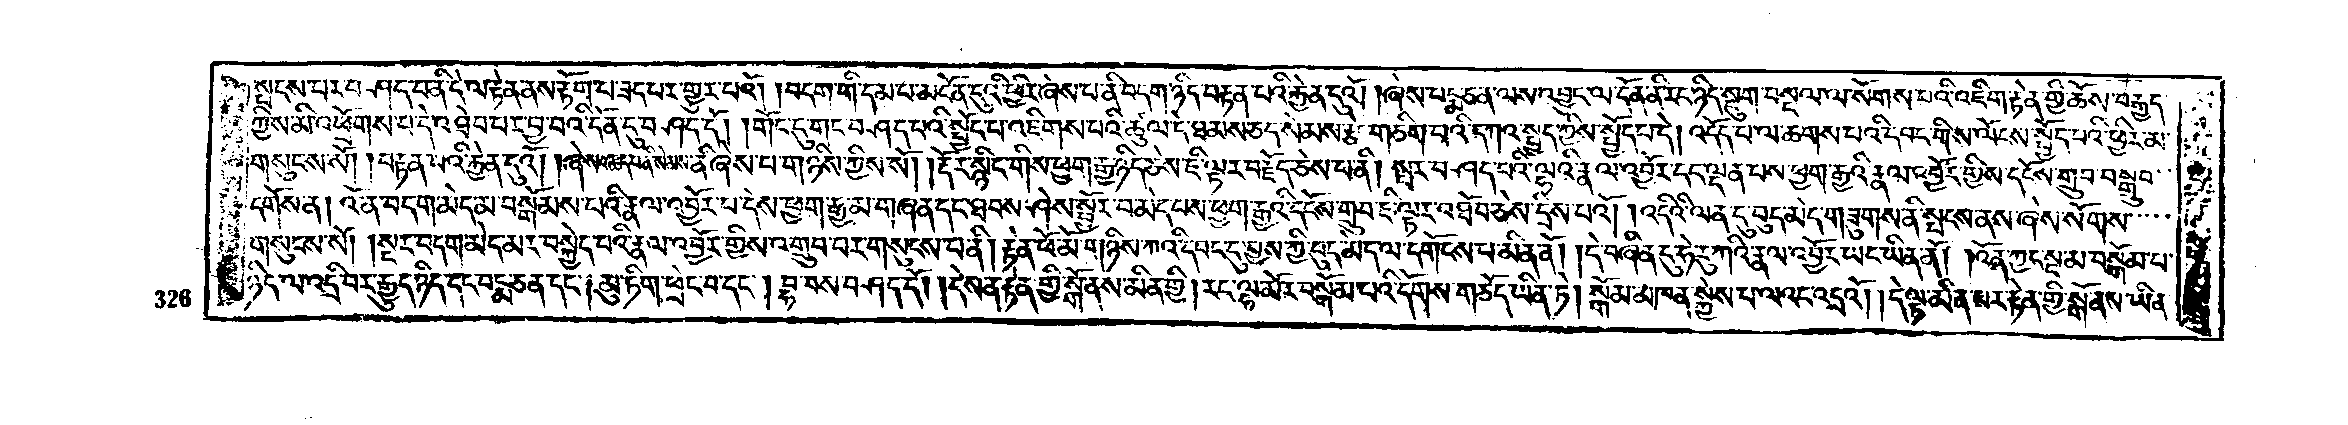སྤངས་པར་བཤད་པ་ནི་དེ་ལ་རྟེན་ནས་རྟོག་པ་ཟད་པར་གྱུར་པའོ། །བདག་གི་དམ་པ་མངོན་དུའི་ཕྱིར་ཞེས་པ་ནི་བདག་ཉིད་བརྟན་པའི་རྐྱེན་དུའོ། །ཞེས་པདམ་ཅན་ལས་འབྱུང་ལ་དོན་ནི་རང་ཉིད་སྡུག་བསྔལ་ལ་སོགས་པའི་འཇིག་རྟེན་གྱི་ཆོས་བརྒྱད་
ཀྱིས་མི་འཕྲོགས་པ་དེ་འཐེབ་པར་བྱ་བའི་དོན་དུ་བཤད་དོ། །གོང་དུ་གང་བཤད་པའི་སྤྱོད་པ་འཇིགས་པའི་ཚུལ་དེ་ཐམས་ཅད་སེམས་རྩེ་གཅིག་པའི་དཀའ་སྤྱད་ཀྱིས་སྤྱོད་པ་དེ། འདོད་པ་ལ་ཆགས་པའི་དབང་གིས་ལོངས་སྤྱོད་པའི་ཕྱིར་མ་
གསུངས་སོ། །བརྟན་པའི་རྐྱེན་དུའོ། །ཞེས་འཆད་པ་ནི་སེམས་ནི་ཞེས་པ་གཉིས་ཀྱིས་སོ། །རྡོར་སྙིང་གིས་ཕྱག་རྒྱ་ཉིད་ཅེས་ཇི་ལྟར་བརྗོད་ཅེས་པ་ནི། སྤར་བཤད་པའི་ལྷའི་རྣལ་འབྱོར་དང་ལྡན་པས་ཕྱག་རྒྱའི་རྣལ་འབྱོར་གྱིས་དངོས་གྲུབ་བསྒྲུབ་
དགོས་ན། འོ་ན་བདག་མེད་མ་བསྒོམས་པའི་རྣལ་འབྱོར་བ་དེས་ཕྱག་རྒྱ་མ་གཞན་དང་ཐབས་ཤེས་སྦྱོར་བ་མེད་པས་ཕྱག་རྒྱའི་དངོས་གྲུབ་ཇི་ལྟར་འཐོབ་ཅེས་དྲིས་པའོ། །འདིའི་ལན་དུ་བུད་མེད་གཟུགས་ནི་སྤངས་ནས་ཞེས་སོགས་
གསུངས་སོ། །སྔར་བདག་མེད་མར་བསྐྱེད་པའི་རྣལ་འབྱོར་གྱིས་འགྲུབ་པར་གསུངས་པ་ནི། རྟེན་ཕོ་མོ་གཉིས་ཀའི་དབང་དུ་བྱས་ཀྱི་བུད་མེད་ལ་དགོངས་པ་མིན་ནོ། །དེ་བཞིན་དུ་ཧེ་རུ་ཀའི་རྣལ་འབྱོར་ཡང་ཡིན་ནོ། །འོན་ཀྱང་སྔ་མ་བསྒོམ་པ་
ཉིད་ལ་འདྲི་བར་རྒྱུད་ཉིད་དང་པདམ་ཅན་དང་། མུ་ཏིག་ཕྲེང་བ་དང་། བྷ་བས་བཤད་དོ། །དེས་ན་རྟེན་གྱི་སྒོ་ནས་མིན་གྱི། རང་ལྷ་མོར་བསྒོམ་པའི་དོགས་གཅོད་ཡིན་ཏེ། སྒོམ་མཁན་སྐྱེས་པ་ལའང་འདྲའོ། །དེ་ལྟ་མིན་པར་རྟེན་གྱི་སྒོ་ནས་ཡིན་